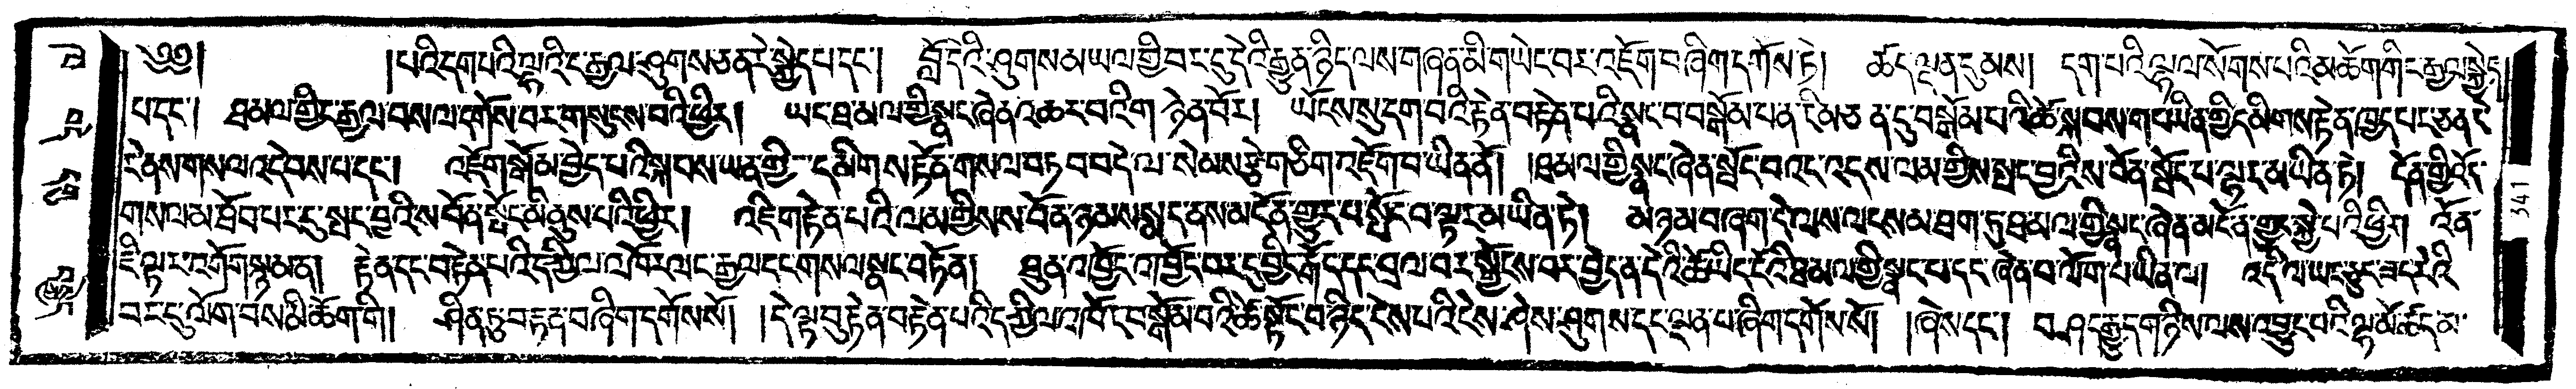༄༅། །པའི་དག་པའི་ལྷའི་ང་རྒྱལ་ཤུགས་ཅན་རེ་སྐྱེད་པ་དང་། བློ་དེའི་ཤུགས་མ་ཡལ་གྱི་བར་དུ་དེའི་རྒྱུན་ཉིད་ལས་གཞན་མི་གཡེང་བར་འཇོག་བཞིག་དགོས་ཏེ། ཚད་ལྡན་དུ་མས། དག་པའི་ལྷ་ལ་སོགས་པའི་མཆོག་གི་ང་རྒྱལ་སྐྱེད་
པ་དང་། ཐ་མལ་གྱི་ང་རྒྱལ་བསལ་དགོས་པར་གསུངས་པའི་ཕྱིར། ཡང་ཐ་མལ་གྱི་སྣང་ཞེན་འཆར་བའི་གཉེན་པོར། ཡོངས་སུ་དག་པའི་རྟེན་བརྟེན་པའི་སྣང་བ་བསྒོམ་པ་ན་རིམ་ཅན་དུ་བསྒོམ་པའི་ཚེ་སྐབས་གང་ཡིན་གྱི་དམིགས་རྟེན་ཁྱད་པར་ཅན་དེ་
རེ་ནས་གསལ་འདེབས་པ་དང་། འཇོག་སྒོམ་བྱེད་པའི་སྐབས་ཡན་གྱི་དམིགས་རྟོན་གསལ་བཏབ་བདེ་ལ་སེམས་རྩེ་གཅིག་འཇོག་པ་ཡིན་ནོ། །ཐ་མལ་གྱི་སྣང་ཞེན་སྤོང་བའང་འདས་ལམ་གྱིས་སྤང་བྱའི་ས་བོན་སྤོང་པ་ལྷར་མ་ཡིན་ཏེ། དོན་གྱི་འོད་
གསལ་མ་ཐོབ་པར་དུ་སྤང་བྱའི་ས་བོན་སྤོང་མི་ནུས་པའི་ཕྱིར། འཇིག་རྟེན་པའི་ལམ་གྱིས་ས་བོན་ཉམས་སྨད་ནས་མངོན་གྱུར་པ་སྤོང་བ་ལྟར་མ་ཡིན་ཏེ། མཉམ་བཞག་དེ་ལས་ལངས་མ་ཐག་ཏུ་ཐ་མལ་གྱི་སྣང་ཞེན་མངོན་གྱུར་སྐྱེ་པའི་ཕྱིར། འོ་ན་
ཇི་ལྟར་འགོག་སྙམ་ན། རྟེན་དང་བརྟེན་པའི་དཀྱིལ་འཁོར་ལ་ང་རྒྱལ་དང་གསལ་སྣང་བཏོན། ཐུན་འཁྱོད་འཁྱོད་བར་དུ་བྱིང་རྒོད་དང་བྲལ་བར་སྐྱོངས་བར་བྱེད་ན་དེའི་ཚེ་ཡིད་ངོའི་ཐ་མལ་གྱི་སྣང་བ་དང་ཞེན་པ་ལོག་པ་ཡིན་ལ། འདི་ལ་ཡང་ཅུང་ཟད་རེའི་
བར་དུ་ལོག་བས་མི་ཆོག་གི། ཤིན་ཏུ་བརྟན་བཞིག་དགོས་སོ། །དེ་ལྟ་བུ་རྟེན་བརྟེན་པའི་དཀྱིལ་འཁོར་བསྒོམ་པའི་ཚེ་སྟོང་བ་ཉིད་ངེས་པའི་ངེས་ཤེས་ཤུགས་དང་ལྡན་པ་ཞིག་དགོས་སོ། །ཞེས་དང་། བཤད་རྒྱུད་གཉིས་ལས་འབྱུང་བའི་ལྷ་མོ་ཚད་མ་